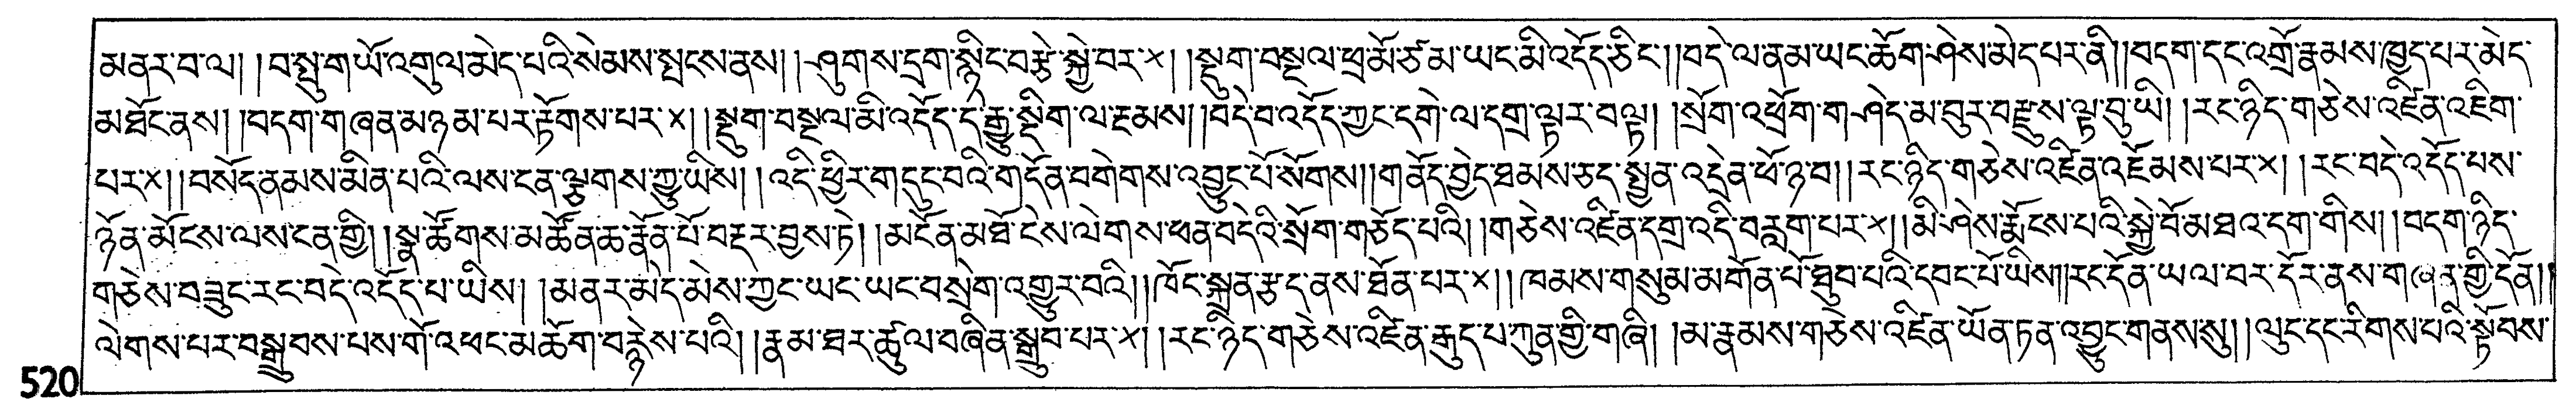མནར་བ་ལ། །བ་སྤུ་གཡོ་འགུལ་མེད་པའི་སེམས་སྤངས་ནས། །ཤུགས་དྲག་སྙིང་བརྩེ་སྐྱེ་བར་྾། །སྡུག་བསྔལ་ཕྲ་མོ་ཙམ་ཡང་མི་འདོད་ཅིང་། །བདེ་ལ་ནམ་ཡང་ཆོག་ཤེས་མེད་པར་ནི། །བདག་དང་འགྲོ་རྣམས་ཁྱད་པར་མེད་
མཐོང་ནས། །བདག་གཞན་མཉམ་པར་རྟོགས་པར་྾། །སྡུག་བསྔལ་མི་འདོད་དེ་རྒྱུ་སྡིག་ལ་རྔམས། །བདེ་བ་འདོད་ཀྱང་དགེ་ལ་དགྲ་ལྟར་བལྟ། །སྲོག་འཕྲོག་གཤེད་མ་བུར་བརྫུས་ལྟ་བུ་ཡི། །རང་ཉིད་གཅེས་འཛིན་འཇིག་
པར་྾། །བསོད་ནམས་མིན་པའི་ལས་ངན་ལྕགས་ཀྱུ་ཡིས། །འདི་ཕྱིར་གདུང་བའི་གདོན་བགེགས་འབྱུང་པོ་སོགས། །གནོད་བྱེད་ཐམས་ཅད་སྤྱན་འདྲེན་ཕོ་ཉ་བ། །རང་ཉིད་གཅེས་འཛིན་འཇོམས་པར་྾། །རང་བདེ་འདོད་པས་
ཉོན་མོངས་ལས་ངན་གྱི། །སྣ་ཚོགས་མཚོན་ཆ་རྣོན་པོ་བརྡར་བྱས་ཏེ། །མངོན་མཐོ་ངེས་ལེགས་ཕན་བདེའི་སྲོག་གཅོད་པའི། །གཅེས་འཛིན་དགྲ་འདི་བརླག་པར་྾། །མི་ཤེས་རྨོངས་པའི་སྐྱེ་བོ་མཐའ་དག་གིས། །བདག་ཉིད་
གཅེས་བཟུང་རང་བདེ་འདོད་པ་ཡིས། །མནར་མེད་མེས་ཀྱང་ཡང་ཡང་བསྲེག་འགྱུར་བའི། །ཁོང་སྐྲན་རྩད་ནས་ཐོན་པར་྾། །ཁམས་གསུམ་མགོན་པོ་ཐུབ་པའི་དབང་པོ་ཡིས། །རང་དོན་ཡལ་བར་དོར་ནས་གཞན་གྱི་དོན། །
ལེགས་པར་བསྒྲུབས་པས་གོ་འཕང་མཆོག་བརྙེས་པའི། །རྣམ་ཐར་ཚུལ་བཞིན་སྒྲུབ་པར་྾། །རང་ཉིད་གཅེས་འཛིན་རྒུད་པ་ཀུན་གྱི་གཞི། །མ་རྣམས་གཅེས་འཛིན་ཡོན་ཏན་འབྱུང་གནས་སུ། །ལུང་དང་རིགས་པའི་སྟོབས་